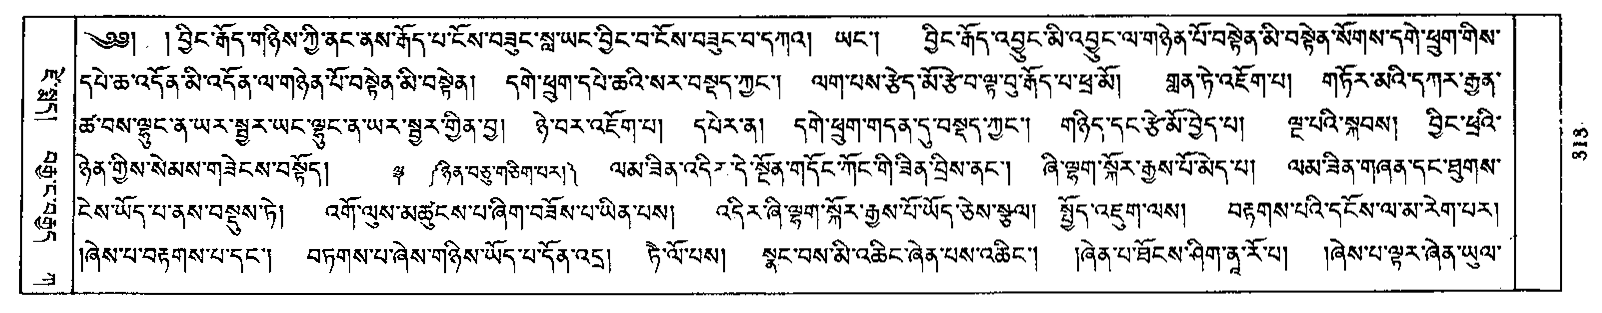༄༅། །བྱིང་རྒོད་གཉིས་ཀྱི་ནང་ནས་རྒོད་པ་ངོས་བཟུང་སླ་ཡང་བྱིང་བ་ངོས་བཟུང་བ་དཀའ། ཡང་། བྱིང་རྒོད་འབྱུང་མི་འབྱུང་ལ་གཉེན་པོ་བསྟེན་མི་བསྟེན་སོགས་དགེ་ཕྲུག་གིས་
དཔེ་ཆ་འདོན་མི་འདོན་ལ་གཉེན་པོ་བསྟེན་མི་བསྟེན། དགེ་ཕྲུག་དཔེ་ཆའི་སར་བསྡད་ཀྱང་། ལག་པས་རྩེད་མོ་རྩེ་བ་ལྟ་བུ་རྒོད་པ་ཕྲ་མོ། གླན་ཏེ་འཇོག་པ། གཏོར་མའི་དཀར་རྒྱན་
ཚ་བས་ལྷུང་ན་ཡར་སྦྱར་ཡང་ལྷུང་ན་ཡར་སྦྱར་གྱིན་བྱ། ཉེ་བར་འཇོག་པ། དཔེར་ན། དགེ་ཕྲུག་གདན་དུ་བསྡད་ཀྱང་། གཉིད་དང་རྩེ་མོ་བྱེད་པ། ལྔ་པའི་སྐབས། བྱིང་ཕྲའི་
ཉེན་གྱིས་སེམས་གཟེངས་བསྟོད། ༈ཉིན་བཅུ་གཅིག་པར།?་ལམ་ཟིན་འདིར་དེ་སྔོན་གདོང་ཀོང་གི་ཟིན་བྲིས་ནང་། ཞི་ལྷག་སྐོར་རྒྱས་པོ་མེད་པ། ལམ་ཟིན་གཞན་དང་ཐུགས་
ངེས་ཡོད་པ་ནས་བསྡུས་ཏེ། འགོ་ལུས་མཚུངས་པ་ཞིག་བཟོས་པ་ཡིན་པས། འདིར་ཞི་ལྷག་སྐོར་རྒྱས་པོ་ཡོད་ཅེས་སྩལ། སྤྱོད་འཇུག་ལས། བརྟགས་པའི་དངོས་ལ་མ་རེག་པར།
།ཞེས་པ་བརྟགས་པ་དང་། བཏགས་པ་ཞེས་གཉིས་ཡོད་པ་དོན་འདྲ། ཏཻ་ལོ་པས། སྣང་བས་མི་འཆིང་ཞེན་པས་འཆིང་། །ཞེན་པ་ཐོངས་ཤིག་ནཱ་རོ་པ། །ཞེས་པ་ལྟར་ཞེན་ཡུལ་